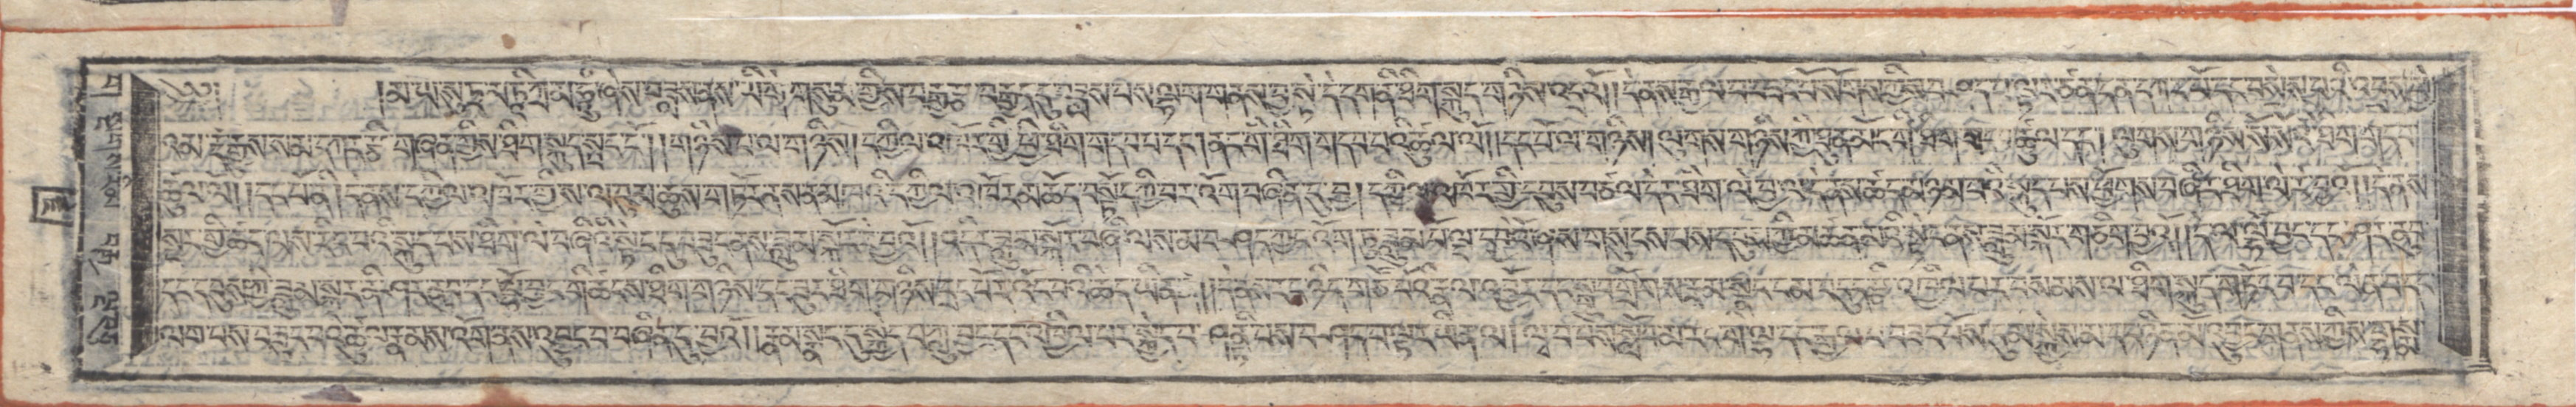༄༅། །མ་ཡ་སུ་ཏྲ་མ་ཏཱི་ཀྲ་མ་ཧཱུཾ་ཞེས་བཟླས་ནས་ཡི་གེ་གསུམ་གྱིས་བརྒྱ་རྩ་བརྒྱད་དུ་བཟླས་པས་ལྷག་གནས་བྱ་སྟེ་དེ་དག་ནི་ཐིག་སྐུད་གཉིས་འདྲའོ། །དེ་ནས་རྒྱལ་བ་བཟང་པོ་སོགས་ཀྱིས་བཤད་པ་ལྟར་ཙན་དན་དཀར་པོ་དང་བསྲེས་པའི་འབྲས་ཕྱེ་
འམ་རྡོ་རྒྱུས་སམ་དཀར་རྩི་གཞན་གྱིས་ཐིག་སྐུད་སྤང་ངོ། །གཉིས་པ་ལ་གཉིས། དཀྱིལ་འཁོར་གྱི་ཕྱི་ཐིག་གདབ་པ་དང་། ནང་གི་ཐིག་གདབ་པའི་ཚུལ་ལོ། །དང་པོ་ལ་གཉིས། ལུགས་གཉིས་ཀྱི་ཐུན་མོང་གི་ཐིག་གདབ་ཚུལ་དང་། ལུགས་གཉིས་སོ་སོའི་ཐིག་གདབ་
ཚུལ་ལོ། །དང་པོ་ནི། དེ་ནས་དཀྱིལ་འཁོར་གྱི་ས་ལ་བུམ་ཆུས་གཏོར་ནས་ནམ་མཁའི་དཀྱིལ་འཁོར་མཆོད་བསྟོད་ཀྱི་བར་འོག་བཞིན་དུ་བྱ། དཀྱིལ་འཁོར་གྱི་དབུས་བཙལ་དེར་ཐིག་ལེ་བྱ་ལ་དེ་ནས་ཚད་མཉམ་པའི་སྐུད་པས་ཕྱོགས་བཞིར་ཐིག་ལེ་རེ་བྱའོ། །དེ་ནས་
སྔར་གྱི་ཚད་ལས་རིང་བའི་སྐུད་པས་ཐིག་ལེ་བཞིའི་སྟེང་དུ་བཟུང་ནས་ཟླུམ་སྐོར་རེ་བྱའོ། །འདིར་ཟླུམ་སྐོར་བཞི་ལས་མ་བཤད་ཀྱང་འོག་ཏུ་ཟླུམ་པོ་ལྔ་དབྱེའོ་ཞེས་གསུངས་པས་དབུས་ཀྱི་མཚན་མའི་སྟེང་ནས་ཟླུམ་སྐོར་གཅིག་བྱའོ། །དེ་ལ་ལྷོ་བྱང་དང་ཤར་ནུབ་
དང་དབུས་ཀྱི་ཟླུམ་སྐར་ནི་ཤར་ནུབ་དང་ལྷོ་བྱང་གི་ཚངས་ཐིག་གཉིས་དང་ཟུར་ཐིག་གཉིས་དྲང་པོར་འོང་བའི་ཆེད་ཡིན་ནོ། །དེ་ནས་རང་ཉིད་གཙོ་བོའི་རྣལ་འབྱོར་དང་སྒྲུབ་གྲོགས་རྣམ་སྣང་ངམ་བདུད་རྩི་འཁྱིལ་པར་བསམས་ལ་ཐིག་སྐུད་གཏོང་བ་དང་ལེན་བ་དང་
ལག་པས་བཟུང་བའི་ཚུལ་རྣམས་འོག་ནས་འབྱུང་བ་བཞིན་དུ་བྱའོ། །རྣམ་སྣང་དུ་སྐྱེད་པ་ཀླུ་བྱང་དང་འཁྱིལ་པར་སྐྱེད་པ་ཤནྟི་པས་བཤད་པ་ལྟར་ཡིན་ལ། ལྭ་བ་པས་སློབ་མ་རང་གི་ལྷ་དང་རྒྱལ་བ་བཟང་པོས་དུ་མ་སྐྱེས་མ་དང་ཉིན་མོ་འབྱུང་གནས་ཀྱིས་གྷསྨ་